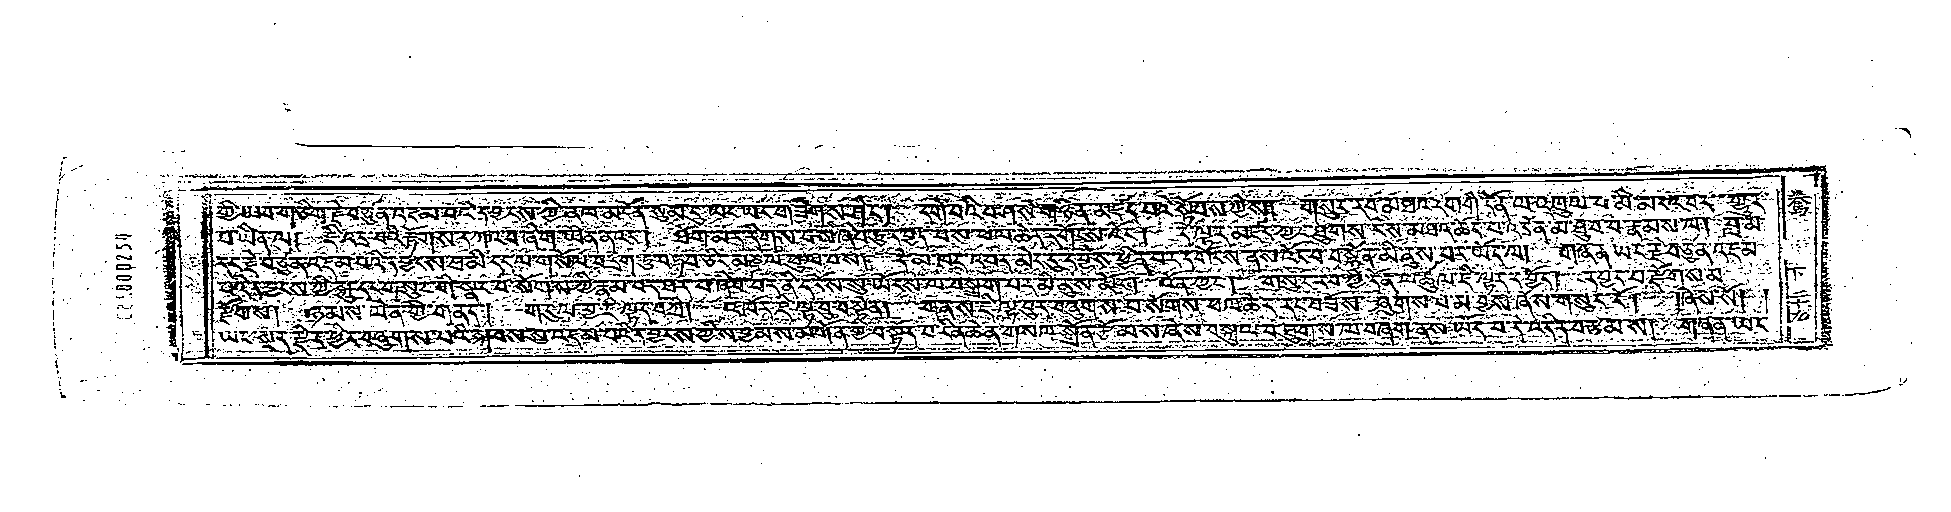གྱི་ཡབ་གཅིག་རྗེ་བཙུན་འཇམ་པའི་དབྱངས་ཀྱི་ཞལ་མངོན་སུམ་དུ་ཡང་ཡང་གཟིགས་ཤིང་། དགེ་བའི་བཤེས་གཉེན་མཛད་པའི་སྟོབས་ཀྱིས། གསུང་རབ་མཐའ་དག་གི་དོན་ལ་འཁྲུལ་པ་མི་མངའ་བར་གྱུར་
པ་ཡིན་ལ། ཇི་འདྲ་བའི་རྟོགས་དཀའ་བ་ཞིག་ཡིན་ནའང་། ཐོག་མར་རིགས་བས་ཞིབ་ཏུ་དཔྱད་པས་ཕལ་ཆེར་དགོངས་འོང་། དེ་ལྟར་མཛད་ཀྱང་ཐུགས་ངེས་མཐའ་ཆོད་པ་འདྲེན་མ་ཐུབ་པ་རྣམས་ལ། བླ་མ་
དང་རྗེ་བཙུན་འཇམ་པའི་དབྱངས་ཐ་མི་དད་ལ་གསོལ་བ་དྲག་ཏུ་བཏབ་ཅིང་མཎྜལ་ཕུལ་བས། དེ་མ་ཁང་འབད་མེད་དུ་དབྱིས་ཕྱིན་པར་དགོངས་ནས་འོང་བ་བསྙོན་མི་ནུས་པར་ཡོད་ལ། གཞན་ཡང་རྗེ་བཙུན་འཇམ་
པའི་དབྱངས་ཀྱི་སྐུ་དང་གསུང་གི་སྣང་བ་སོགས་ཀྱི་རྣམ་པར་ཐར་བ་ཞིབ་པར་ནི་དངོས་སུ་ཡོངས་ལ་བསྒྲག་པར་མི་ནུས་མོད། འོན་ཀྱང་། གསུང་རབ་ཀྱི་དོན་ལ་ཚུལ་ཇི་ལྟར་དཔྱོད། དཔྱད་པ་རྫོགས་མ་
རྫོགས། ཉམས་ལེན་གྱི་གནད། གདུལ་བྱ་རི་ལྟར་བཀྲི། འཁོར་ཇི་ལྟ་བུ་བ་སྟེན། གནས་ཇི་ལྟ་བུར་བཞུགས་པ་སོགས་ཕལ་ཆེར་དང་བཟོས་ཞུགས་པ་མ་བྱས་ཞོས་གསུང་ངོ། །ཞེས་སོ། །
ཡང་སྔར་རྫིང་ཕྱིར་བཞུགས་པའི་སྐབས་སུ་འཇམ་པའི་དབྱངས་ཀྱིས་བྱམས་མགོན་གྱི་བསྟོད་པ་རིན་ཆེན་གསལ་སྒྲོན་རྩོམས་ཞེས་བསྐུལ་བ་ཐུགས་ལ་བཞག་ནས་ཡོད་པ་དེ་འདིར་བརྩམས། གཞན་ཡང་